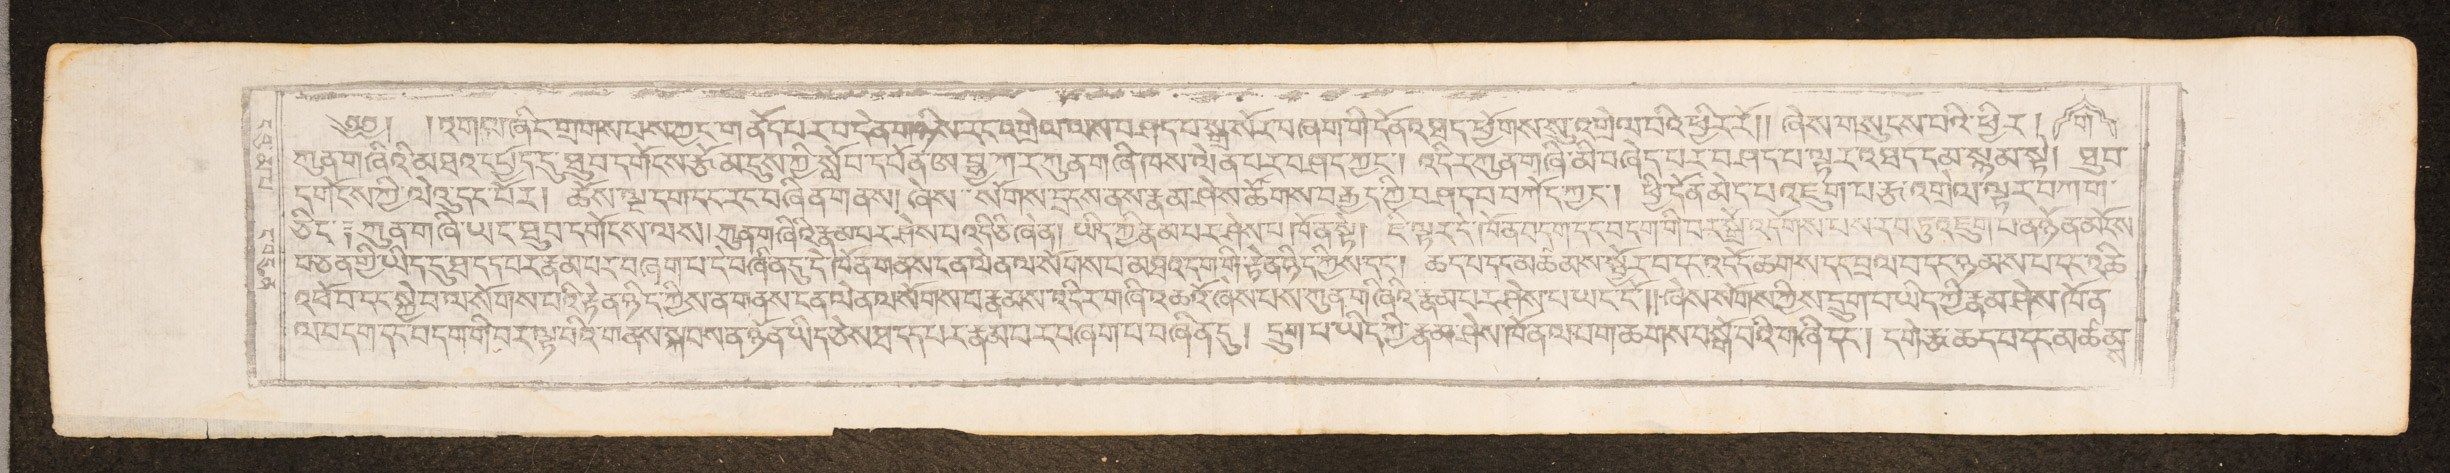༄༅། །འགལ་ཞིང་གྲགས་པས་ཀྱང་གནོད་པར་བདེན་གཉིས་རང་འགྲེལ་ལས་བཤད་པ་སྒྲ་སོར་བཞག་གི་དོན་འཐད་ཕྱོགས་སུ་འགྲེལ་བའི་ཕྱིར་རོ། །ཞེས་གསུངས་པའི་ཕྱིར། ༼༽ག༼༽
ཀུན་གཞིའི་མཐའ་དཔྱོད་དུ་ཐུབ་དགོངས་རྩོམ་དུས་ཀྱི་སློབ་དཔོན་ཨ་བྷྱ་ཀ་ར་ཀུན་གཞི་ཁས་ལེན་པར་བཤད་ཀྱང་། འདིར་ཀུན་གཞི་མི་བཞེད་པར་བཤད་པ་ལྟར་འཐད་དམ་སྙམ་སྟེ། ཐུབ་
དགོངས་ཀྱི་ལེའུ་དང་བོར། ཆོས་ལྔ་དག་དང་རང་བཞིན་གནས། ཞེས་སོགས་དྲངས་ནས་རྣམ་ཤེས་ཚོགས་བརྒྱད་ཀྱི་བཤད་པ་བཀོད་ཀྱང་། ཕྱི་དོན་མེད་པ་འཇུག་པ་རྩ་འགྲེལ་ལྟར་བཀག་
ཅིང༑ ཀུན་གཞི་ཡང་ཐུབ་དགོངས་ལས། ཀུན་གཞིའི་རྣམ་པར་ཤེས་པ་འདི་ཅི་ཞེ་ན། ཡིད་ཀྱི་རྣམ་པར་ཤེས་པ་ཁོ་ན་སྟེ། ཇི་ལྟར་དེ་ཁོ་ན་བདག་དང་བདག་གི་བར་སྒྲོ་འདོགས་པས་རབ་ཏུ་འཇུག་པ་ན་ཉོན་མོངས་
པ་ཅན་གྱི་ཡིད་དུ་ཐ་དད་པར་རྣམ་པར་བཞག་པ་དེ་བཞིན་དུ་དེ་ཁོ་ན་གནས་ངན་ལེན་ལ་སོགས་པ་མཐའ་དག་གི་རྟེན་ཉིད་ཀྱིས་དང་། ཆད་པ་དང་མཚམས་སྦྱོར་བ་དང་འདོད་ཆགས་དང་བྲལ་བ་དང་ཉམས་པོ་དང་འཆི་
འཕོ་བ་དང་སྐྱེ་བ་ལ་སོགས་པའི་རྟེན་ཉིད་ཀྱིས་ན་གནས་ངན་ལེན་ལ་སོགས་པ་རྣམས་འདིར་གཞི་འཆའོ་ཞེས་པས་ཀུན་གཞིའི་རྣམ་པར་ཤེས་པ་ཡང་ངོ། །ཞེས་སོགས་ཀྱིས་དྲུག་པ་ཡིད་ཀྱི་རྣམ་ཤེས་ཁོ་ན་
ལ་བདག་དང་བདག་གི་བར་ལྟ་བའི་གནས་སྐབས་ན་ཉོན་ཡིད་ཅེས་ཐ་དད་པར་རྣམ་པར་བཞག་པ་བཞིན་དུ། དྲུག་པ་ཡིད་ཀྱི་རྣམ་ཤེས་ཁོ་ན་ལ་བག་ཆགས་བསྒོ་བའི་གཞི་དང་། དགེ་རྩ་ཆད་པ་དང་མཚམས་